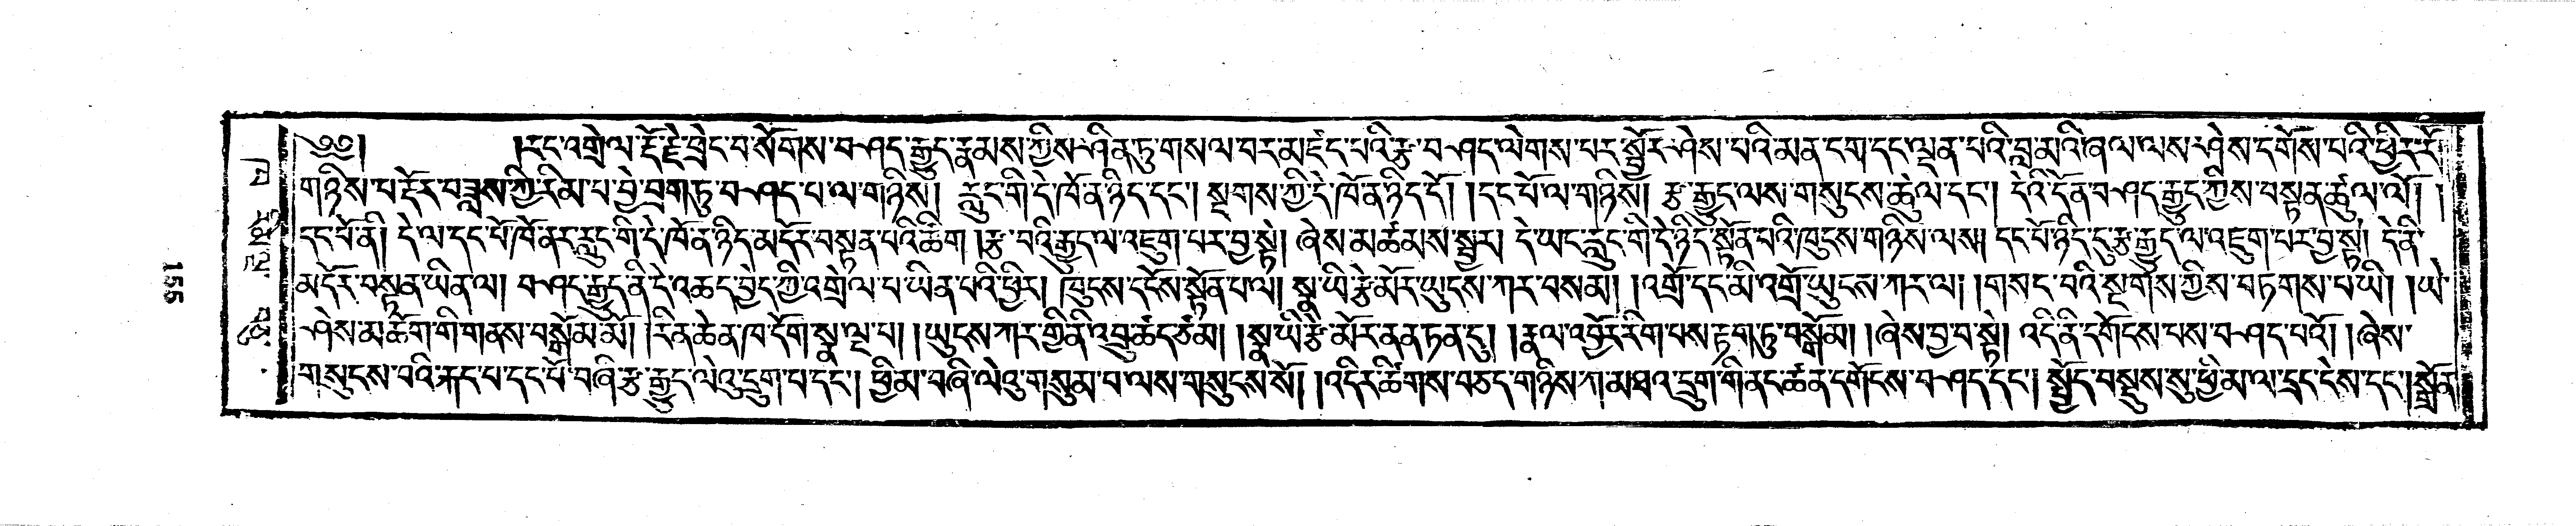༄༅། །རང་འགྲེལ་རྡོ་རྗེ་ཕྲེང་བ་སོགས་བཤད་རྒྱུད་རྣམས་ཀྱིས་ཤིན་ཏུ་གསལ་བར་མཛད་པའི་རྩ་བཤད་ལེགས་པར་སྦྱོར་ཤེས་པའི་མན་ངག་དང་ལྡན་པའི་བླ་མའི་ཞལ་ལས་ཤེས་དགོས་པའི་ཕྱིར་རོ།
གཉིས་པ་རྡོར་བཟླས་ཀྱི་རིམ་པ་བྱེ་བྲག་ཏུ་བཤད་པ་ལ་གཉིས། རླུང་གི་དེ་ཁོ་ན་ཉིད་དང་། སྔགས་ཀྱི་དེ་ཁོ་ན་ཉིད་དོ། །དང་པོ་ལ་གཉིས། རྩ་རྒྱུད་ལས་གསུངས་ཚུལ་དང་། དེའི་དོན་བཤད་རྒྱུད་ཀྱིས་བསྟན་ཚུལ་ལོ། །
དང་པོ་ནི། དེ་ལ་དང་པོ་ཁོ་ནར་རླུང་གི་དེ་ཁོ་ན་ཉིད་མདོར་བསྟན་པའི་ཚིག །རྩ་བའི་རྒྱུད་ལ་འཇུག་པར་བྱ་སྟེ། ཞེས་མཚམས་སྦྱར། དེ་ཡང་རླུང་གི་དེ་ཉིད་སྟོན་པའི་ཁུངས་གཉིས་ལས། དང་པོ་ཉིད་དུ་རྩ་རྒྱུད་ལ་འཇུག་པར་བྱ་སྟེ། དེ་ནི་
མདོར་བསྟན་ཡིན་ལ། བཤད་རྒྱུད་ནི་དེ་འཆད་བྱེད་ཀྱི་འགྲེལ་པ་ཡིན་པའི་ཕྱིར། ཁུངས་དངོས་སྟོན་པ་ལ། སྣ་ཡི་རྩེ་མོར་ཡུངས་ཀར་བསམ། །འགྲོ་དང་མི་འགྲོ་ཡུངས་ཀར་ལ། །གསང་བའི་སྔགས་ཀྱིས་བཏགས་པ་ཡི། །ཡེ་
ཤེས་མཆོག་གི་གནས་བསྒོམ་མོ། །རིན་ཆེན་ཁ་དོག་སྣ་ལྔ་པ། །ཡུངས་ཀར་གྱི་ནི་འབྲུ་ཚད་ཙམ། །སྣ་ཡི་རྩེ་མོར་ནན་ཏན་དུ། །རྣལ་འབྱོར་རིག་པས་རྟག་ཏུ་བསྒོམ། །ཞེས་བྱ་བ་སྟེ། འདི་ནི་དགོངས་པས་བཤད་པའོ། །ཞེས་
གསུངས་པའི་རྐང་པ་དང་པོ་བཞི་རྩ་རྒྱུད་ལེའུ་དྲུག་པ་དང་། ཕྱི་མ་བཞི་ལེའུ་གསུམ་པ་ལས་གསུངས་སོ། །འདིར་ཚིགས་བཅད་གཉིས་ཀ་མཐའ་དྲུག་གི་ནང་ཚན་དགོངས་བཤད་དང་། སྤྱོད་བསྡུས་སུ་ཕྱི་མ་ལ་དྲང་ངེས་དང་། སྒྲོན་